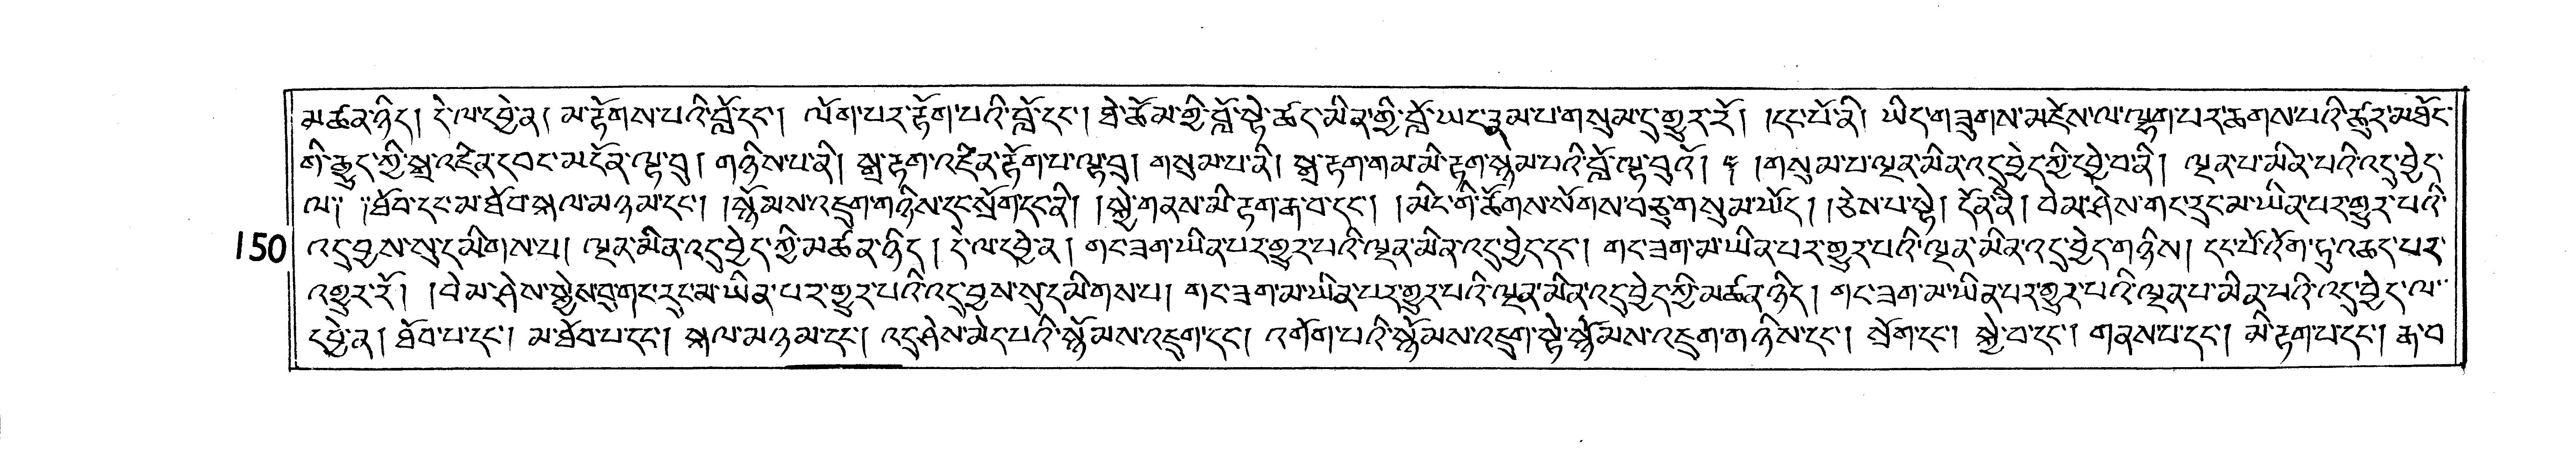མཚན་ཉིད། དེ་ལ་དབྱེ་ན། མ་རྟོགས་པའི་བློ་དང་། ལོག་པར་རྟོག་པའི་བློ་དང་། ཐེ་ཚོམ་གྱི་བློ་སྟེ་ཚད་མིན་གྱི་བློ་ཡང་རྣམ་པ་གསུམ་དུ་གྱུར་རོ། །དང་པོ་ནི། ཡིད་གཟུགས་མཛེས་ལ་ལྷག་པར་ཆགས་པའི་ཚུར་མཐོང་
གི་རྒྱུད་ཀྱི་སྒྲ་འཛིན་དབང་མངོན་ལྟ་བུ། གཉིས་པ་ནི། སྒྲ་རྟག་འཛིན་རྟོག་པ་ལྟ་བུ། གསུམ་པ་ནི། སྒྲ་རྟག་གམ་མི་རྟག་སྙམ་པའི་བློ་ལྟ་བུའོ། ༈ །གསུམ་པ་ལྡན་མིན་འདུ་བྱེད་ཀྱི་དབྱེ་བ་ནི། ལྡན་པ་མིན་པའི་འདུ་བྱེད་
ལ༑ ༑ཐོབ་དང་མ་ཐོབ་སྐལ་མཉམ་དང་། །སྙོམས་འཇུག་གཉིས་དང་སྲོག་དང་ནི། །སྐྱེ་གནས་མི་རྟག་རྒ་བ་དང་། །མིང་གི་ཚོགས་སོགས་བཅུ་གསུམ་ཡོད། །ཅེས་པ་སྟེ། དོན་ནི། བེམ་ཤེས་གང་རུང་མ་ཡིན་པར་གྱུར་པའི་
འདུ་བྱས་སུ་དམིགས་པ། ལྡན་མིན་འདུ་བྱེད་ཀྱི་མཚན་ཉིད། །དེ་ལ་དབྱེ་ན། གང་ཟག་ཡིན་པར་གྱུར་པའི་ལྡན་མིན་འདུ་བྱེད་དང་། གང་ཟག་མ་ཡིན་པར་གྱུར་པའི་ལྡན་མིན་འདུ་བྱེད་གཉིས། དང་པོ་འོག་ཏུ་འཆད་པར་
འགྱུར་རོ། །བེམ་ཤེས་སྐྱེས་བུ་གང་རུང་མ་ཡིན་པར་གྱུར་པའི་འདུ་བྱས་སུ་དམིགས་པ། གང་ཟག་མ་ཡིན་པར་གྱུར་པའི་ལྡན་མིན་འདུ་བྱེད་ཀྱི་མཚན་ཉིད། གང་ཟག་མ་ཡིན་པར་གྱུར་པའི་ལྡན་པ་མིན་པའི་འདུ་བྱེད་ལ་
དབྱེ་ན། ཐོབ་པ་དང་། མ་ཐོབ་པ་དང་། སྐལ་མཉམ་དང་། འདུ་ཤེས་མེད་པའི་སྙོམས་འཇུག་དང་། འགོག་པའི་སྙོམས་འཇུག་སྟེ་སྙོམས་འཇུག་གཉིས་དང་། སྲོག་དང་། སྐྱེ་བ་དང་། གནས་པ་དང་། མི་རྟག་པ་དང་། རྒ་བ་